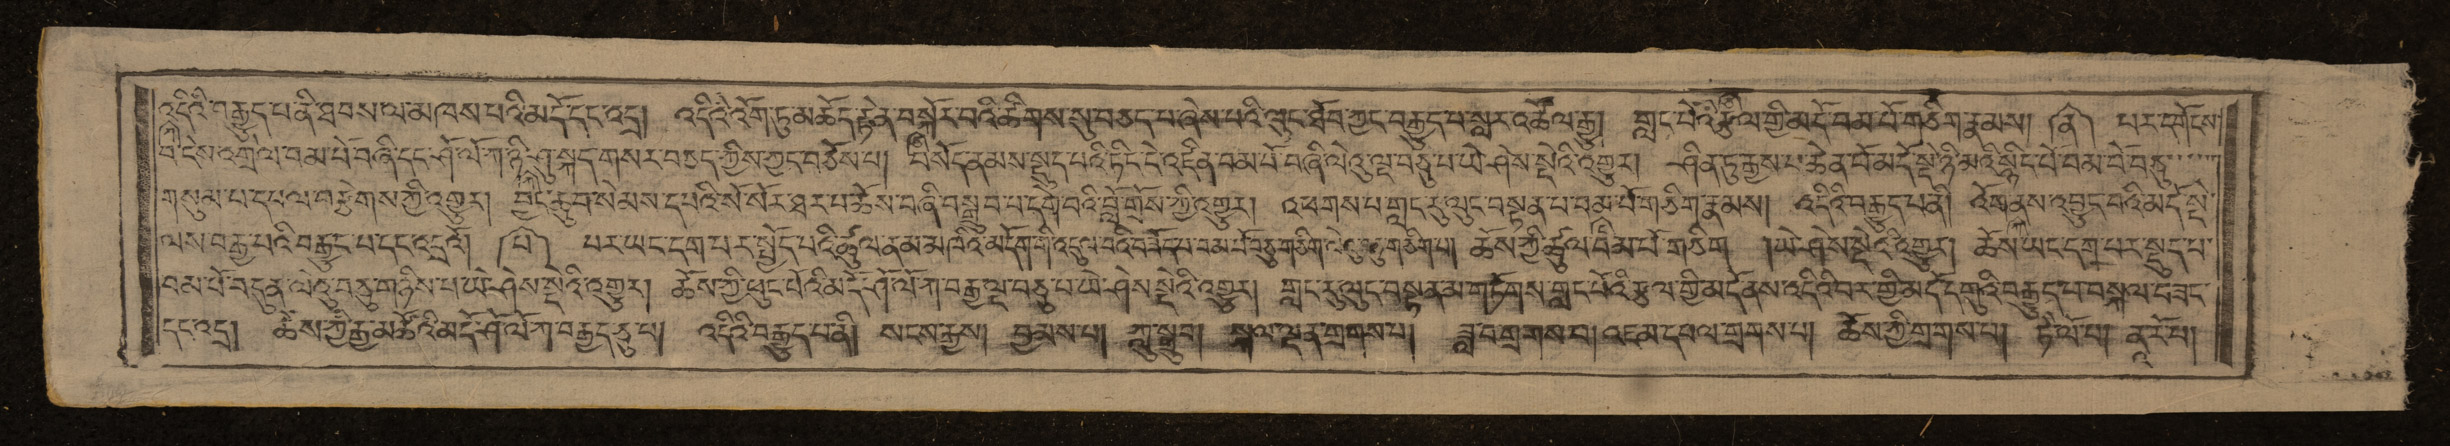འདིའི་བརྒྱུད་བ་ནི་ཐབས་ལ་མཁས་པའི་མདོ་དང་འདྲ། འདིའི་འོག་ཏུ་མཆོད་རྟེན་བསྐོར་བའི་ཚིགས་སུ་བཅད་པ་ཞེས་པའི་ལུང་ཐོབ་གྱང་བརྒྱུད་པ་སླར་འཚོལ་རྒྱུ། གླང་བོའི་རྩལ་གྱི་མདོ་བམ་པོ་གཅིག་རྣམས། {ན}་པར་དགོངས་
བ་དེས་འགྲེལ་བམ་པོ་བཞི་དང་ཤོ་ལོ་ཀ་ཉི་ཤུ་སྐད་གསར་བཅད་ཀྱིས་ཀྱང་བཅོས་པ། བསོད་ནམས་སྡུད་པའི་ཏིང་ངེ་འཛིན་བམ་པོ་བཞི་ལེའུ་ལྔ་བཅུ་པ་ཡེ་ཤེས་སྔེའི་འགྱུར། ཤིན་ཏུ་རྒྱས་པ་ཆེན་པོ་མདོ་སྡེ་ཉི་མའི་སྙིང་པོ་བམ་པོ་བཅུ་
གསུམ་པ་དཔལ་བརྩེགས་ཀྱི་འགྱུར། བྱང་ཆུབ་སེམས་དཔའི་སོ་སོར་ཐར་བ་ཆོས་བཞི་བསྒྲུབ་པ་དགེ་བའི་བློ་གྲོས་ཀྱི་འགྱུར། འཕགས་པ་གླང་རུ་ལུང་བསྟན་པ་བམ་པོ་གཅིག་རྣམས། འདིའི་བརྒྱུད་པ་ནི། འོག་ནས་འབྱུང་བའི་མདོ་སྡེ་
ལས་བརྒྱ་བའི་བརྒྱུད་པ་དང་འདྲའོ། །{བ}་བར་ཡང་དག་པར་སྦྱོད་པའི་ཚུལ་ནམ་མཁའི་མདོག་གི་འདུལ་བའི་བཟོད་པ་བམ་པོ་བཅུ་གཅིག་ལེའུ་བཅུ་གཅིག་པ། ཆོས་ཀྱི་ཚུལ་བམ་པོ་གཅིག །ཡེ་ཤེས་སྡེའི་འགྱུར། ཆོས་ཡང་དག་པར་སྡུད་པ་
བམ་པོ་བདུན་ལེའུ་བཅུ་གཉིས་པ་ཡེ་ཤེས་སྡེའི་འགྱུར། ཆོས་ཀྱི་ཕུང་བོའི་མདོ་ཤོ་ལོ་ཀ་བརྒྱ་ལྔ་བཅུ་པ་ཡེ་ཤེས་སྡེའི་འགྱུར། གླང་རུ་ལུང་བསྟན་མ་གཏོགས་གླང་པོའི་རྩལ་གྱི་ཡོད་ནས་འདིའི་བར་གྱི་མདོ་དགུའི་བརྒྱད་པ་བསྐལ་བཟང་
དང་འདྲ། ཆོས་ཀྱི་རྒྱ་མཚོའི་མདོ་ཤོ་ལོ་ཀ་བརྒྱད་ཅུ་བ། འདིའི་བརྒྱུད་པ་ནི། སངས་རྒྱས། བྱམས་པ། ཀླུ་སྒྲུབ། སྐལ་ལྡན་གྲགས་པ། ཟླ་བ་གྲགས་པ། འཇམ་དཔལ་གྲགས་པ། ཆོས་ཀྱི་གྲགས་པ། ཏཻ་ལོ་བ། ནཱ་རོ་བ།